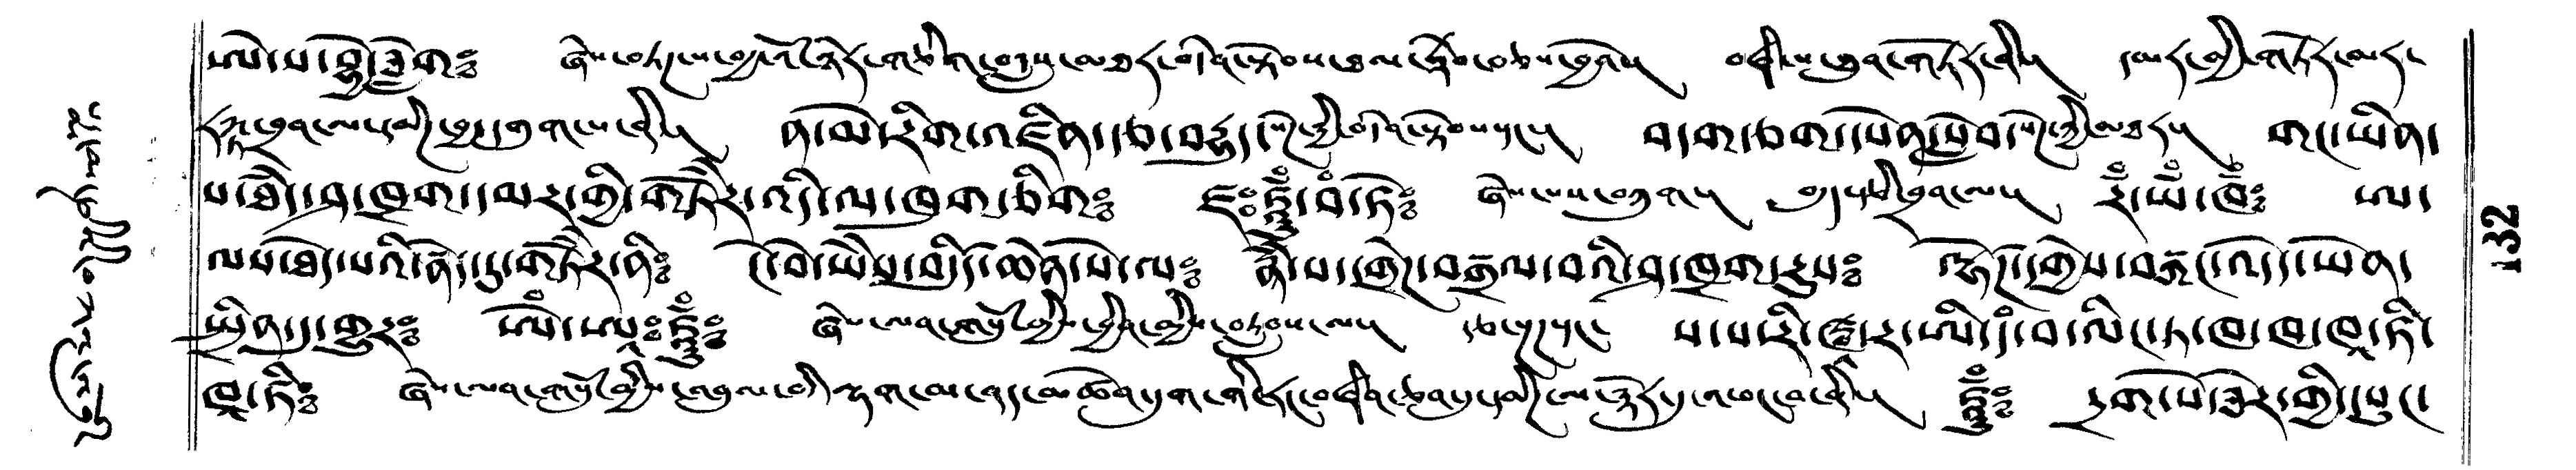ཨེ་ས་བྷྱོ་ཟློག༔ ཞེས་བཏགས་པ་བརྒྱ་འམ་ཉེར་གཅིག་བཟླས་མཐར་བདེན་སྟོབས་ཐལ་རྡེབ་བཅས་བྱའོ། བཞི་པ་ཐུན་གཏོར་ནི། དམར་གྱི་གཏོར་མར་
རཀྟ་བྲན་ལ་དམིགས་བྱ་དགུག་པ་ནི། ན་མོ། རིག་འཛིན་རྩ་བརྒྱུད་སོགས་ཀྱི་བདེན་སྟོབས་དང་། བདག་ཅག་དཔོན་སློབ་སོགས་ཀྱི་མཐར། གང་ཡིན་
པ་ཐམས་ཅད་ཤ་ཁྲག་དམར་གྱི་གཏོར་མ་འདི་ལ་ཁུག་ཅིག༔ ཛཿཧཱུྃ་བྃ་ཧོཿ ཞེས་པས་བཀུག བདུད་རྩི་བྲན་ལ། རྃ་ཡྃ་ཁྃ༔ ཨ་
ལས་ཐོད་པའི་སྣོད་དུ་གཏོར་མ་ནི༔ ངོ་བོ་ཡེ་ཤེས་བདུད་རྩི་ཆེན་པོ་ལ༔ རྣམ་པ་དགྲ་བགེགས་བསྒྲལ་བའི་ཤ་ཁྲག་རུས༔ ལྷ་ཚོགས་དགྱེས་བསྐང་འདོད་ཡོན་
སྤྲིན་དུ་གྱུར༔ ཨོཾ་ཨཱཿཧཱུྃ༔ ཞེས་ལན་གསུམ་གྱིས་བྱིན་གྱིས་བརླབས་ལ། རྩ་སྔགས་དང་། ས་པ་རི་ཝཱ་ར་ཨི་དཾ་བ་ལིང་ཏ་ཁ་ཁ་ཁཱ་ཧི་
ཁཱ་ཧིཿ ཞེས་ལན་གསུམ་གྱིས་འཕུལ་བའི་ལྷག་མ་ནད་མཚོན་དུག་གི་རང་བཞིན་ཅན་དུ་དམིགས་ལ་ཟོར་དུ་འཕང་བ་ནི། ཧཱུྃ༔ དྲག་པོ་ཟོར་གྱི་དཔུང་